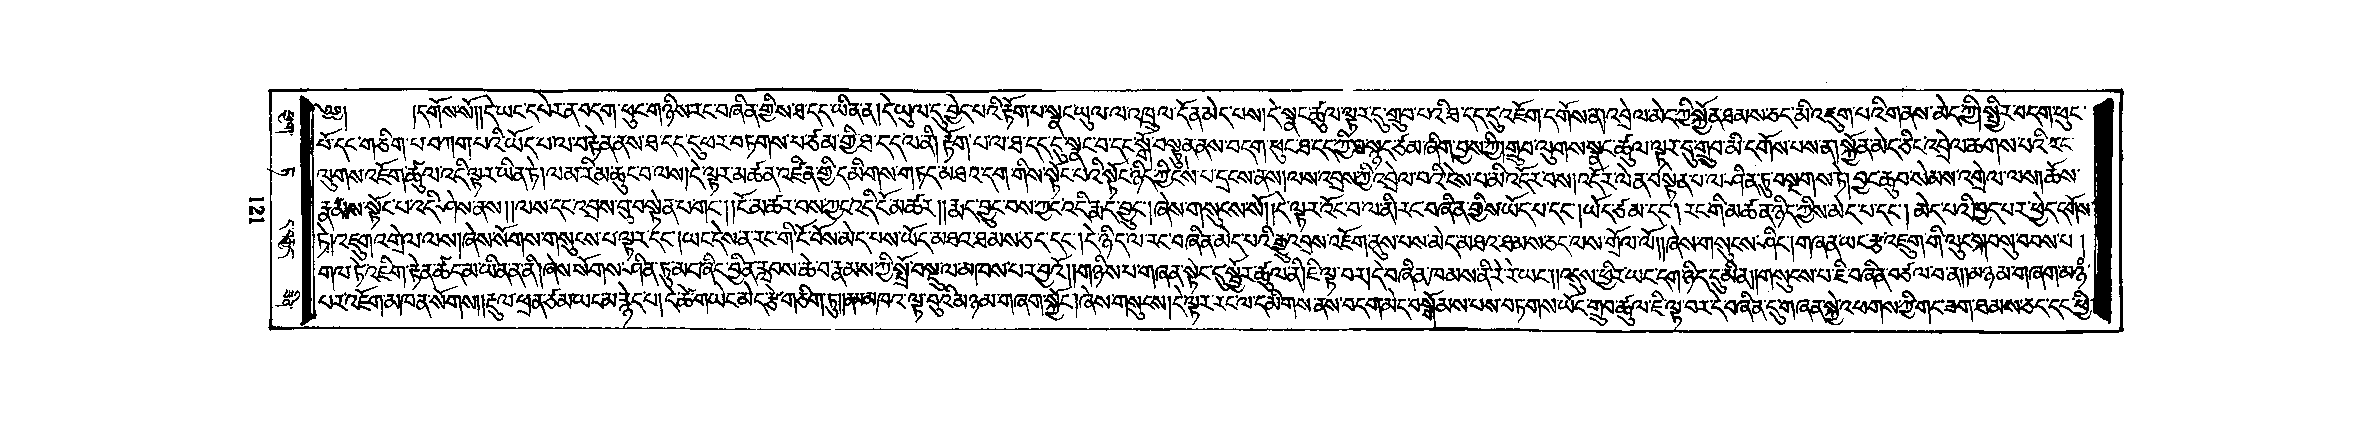༄༅། །དགོས་སོ། །དེ་ཡང་དཔེར་ན་བདག་ཕུང་གཉིས་རང་བཞིན་གྱིས་ཐ་དད་ཡིན་ན། དེ་ཡུལ་དུ་བྱེད་པའི་རྟོག་པ་སྣང་ཡུལ་ལ་འཁྲུལ་དོན་མེད་པས། དེ་སྣང་ཚུལ་ལྟར་དུ་གྲུབ་པའི་ཐ་དད་དུ་འཇོག་དགོས་ན། འབྲེལ་མེད་ཀྱི་སྐྱོན་ཐམས་ཅད་མི་འཇུག་པའི་གནས་མེད་ཀྱི། སྤྱིར་བདག་ཕུང་
པོ་དང་གཅིག་པ་བཀག་པའི་ཡོད་པ་ལ་བརྟེན་ནས་ཐ་དད་དུ་ཕར་བཏགས་པ་ཙམ་གྱི་ཐ་དད་ལ་ནི། རྟོག་པ་ལ་ཐ་དད་དུ་སྣང་བ་དང་སྒོ་བསྟུན་ནས་བདག་ཕུང་ཐ་དད་ཀྱི་ཐ་སྙད་ཙམ་ཞིག་བྱས་ཀྱི། གྲུབ་ལུགས་སྣང་ཚུལ་ལྟར་དུ་གྲུབ་མི་དགོས་པས་ན། སྐྱོན་མེད་ཅིང་འབྲེལ་ཆགས་པའི་རང་
ལུགས་འཇོག་ཚུལ་འདི་ལྟར་ཡིན་ཏེ། ལམ་རིམ་ཆུང་བ་ལས། དེ་ལྟར་མཚན་འཛིན་གྱི་དམིགས་གཏད་མཐའ་དག་གིས་སྟོང་པའི་སྟོང་ཉིད་ཀྱི་ངེས་པ་དྲངས་ནས། ལས་འབྲས་ཀྱི་འབྲེལ་བའི་ངེས་པ་མི་འདོར་བས། འདོར་ལེན་བསྟེན་པ་ལ་ཤིན་ཏུ་བསྔགས་ཏེ། བྱང་ཆུབ་སེམས་འགྲེལ་ལས། ཆོས་
རྣམས་སྟོང་པ་འདི་ཤེས་ནས། །ལས་དང་འབྲས་བུ་བསྟེན་པ་གང་། །ངོ་མཚར་བས་ཀྱང་འདི་ངོ་མཚར། །རྨད་བྱུང་བས་ཀྱང་འདི་རྨད་བྱུང་། ཞེས་གསུངས་སོ། །དེ་ལྟར་འོང་བ་ལ་ནི། རང་བཞིན་གྱིས་ཡོད་པ་དང་། ཡོད་ཙམ་དང་། རང་གི་མཚན་ཉིད་ཀྱིས་མེད་པ་དང་། མེད་པའི་ཁྱད་པར་ཕྱེད་དགོས་
ཏེ། འཇུག་འགྲེལ་ལས། ཞེས་སོགས་གསུངས་པ་ལྟར་དང་། ཡང་དེས་ན་རང་གི་ངོ་བོས་མེད་པས་ཡོད་མཐའ་ཐམས་ཅད་དང་། དེ་ཉིད་ལ་རང་བཞིན་མེད་པའི་རྒྱུ་འབྲས་འཇོག་ནུས་པས་མེད་མཐའ་ཐམས་ཅད་ལས་གྲོལ་ལོ། །ཞེས་གསུངས་ཤིང་། གཞན་ཡང་རྩ་འཇུག་གི་ལུང་སྐབས་སུ་བབས་པ།
གལ་ཏེ་འཇིག་རྟེན་ཚད་མ་ཡིན་ན་ནི། ཞེས་སོགས་ཤིན་ཏུ་མང་ཞིང་བྱིན་རླབས་ཆེ་བ་རྣམས་ཀྱི་སྤྲོ་བསྡུ་ལ་མཁས་པར་བྱའོ། །གཉིས་པ་གཞན་སྟེང་དུ་སྦྱོར་ཚུལ་ནི། ཇི་ལྟ་བར། དེ་བཞིན་ཁམས་ནི་རེ་རེ་ཡང་། །འདུས་ཕྱིར་ཡང་དག་ཉིད་དུ་མིན། །གསུངས་པ་ཇི་བཞིན་བཙལ་བ་ན། །མཉམ་གཞག་མཉམ་
པར་འཇོག་མཁན་སོགས། །རྡུལ་ཕྲན་ཙམ་ཡང་མ་རྙེད་པ། དེ་ཚེ་གཡེང་མེད་རྩེ་གཅིག་ཏུ། །ནམ་མཁའ་ལྟ་བུའི་མཉམ་གཞག་སྐྱོང་། ཞེས་གསུངས། དེ་ལྟར་རང་ལ་དམིགས་ནས་བདག་མེད་བསྒོམས་པས་བཏགས་ཡོང་གྲུབ་ཚུལ་ཇི་ལྟ་བར་དེ་བཞིན་དུ་གཞན་སྐྱེ་འཕགས་ཀྱི་གང་ཟག་ཐམས་ཅད་དང་ཕྱི་